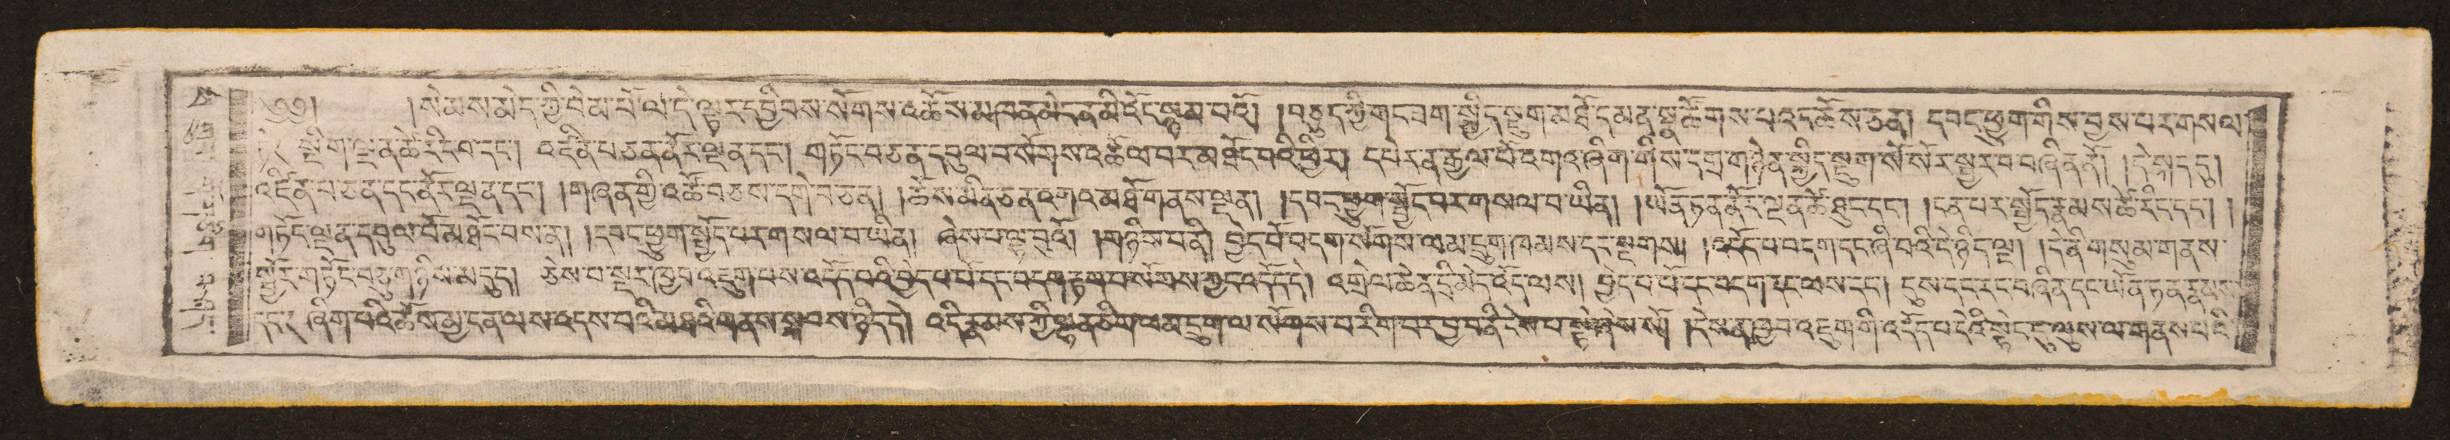༄༅། །སེམས་མེད་ཀྱི་བེམ་པོ་ལ་དེ་ལྟར་དབྱིབས་སོགས་འཆོས་མཁན་མེད་ན་མི་འོང་སྙམ་པའོ། །བཅུད་ཀྱི་གང་ཟག་སྐྱིད་སྡུག་མཐོ་དམན་སྣ་ཚོགས་པའང་ཆོས་ཅན། དབང་ཕྱུག་གིས་བྱས་པར་གསལ་
ཏེ༑ སྡིག་ལྡན་ཚེ་རིང་བ་དང་། འཛིན་པ་ཅན་ནོར་ལྡན་དང་། གཏོང་བ་ཅན་དབུལ་བ་སོགས་འཆོལ་བར་མཐོང་བའི་ཕྱིར། དཔེར་ན་རྒྱལ་པོ་འགའ་ཞིག་གིས་དགྲ་གཉེན་སྐྱིད་སྡུག་སོ་སོར་སྦྱར་བ་བཞིན་ནོ། །དེ་སྐད་དུ།
འཛིན་པ་ཅན་དང་ནོར་ལྡན་དང་། །གཞན་གྱི་འཚོ་བཅས་དགེ་བ་ཅན། །ཆོས་མིན་ཅན་འགའ་མཐོ་གནས་ལྡན། །དབང་ཕྱུག་སྤྱོད་པར་གསལ་བ་ཡིན། །ཡོན་ཏན་ནོར་ལྡན་ཚེ་ཐུང་དང་། །ངན་པར་སྤྱོད་རྣམས་ཚེ་རིང་དང་། །
གཏོང་ལྡན་དབུལ་པོ་མཐོང་བས་ན། །དབང་ཕྱུག་སྤྱོད་པར་གསལ་བ་ཡིན། ཞེས་པ་ལྟ་བུའོ། །གཉིས་པ་ནི། བྱེད་པོ་བདག་སོགས་ལམ་དྲུག་ཁམས་དང་སྔགས། །འདོད་པ་བདག་དང་ཞི་བའི་དེ་ཉིད་ལྔ། །དེ་ནི་གསུམ་གནས་
སྦྱོར་གཏོང་བཅུ་གཉིས་མདུད། ཅེས་པ་སྔར་ཁྱབ་འཇུག་པས་འདོད་པའི་བྱེད་པ་པོ་དང་བདག་རྟག་པ་སོགས་ཀྱང་འདོད་དེ། འགྲེལ་ཆེན་དྲི་མེད་འོད་ལས། བྱེད་པ་པོ་དང་བདག་དང་ལས་དང་། དུས་དང་རང་བཞིན་དང་ཡོན་ཏན་རྣམས་
དང༑ ཞིག་པའི་ཆོས་མྱ་ངན་ལས་འདས་པའི་མཐའི་གནས་སྐབས་ཉིད་དེ། འདི་རྣམས་ཀྱི་ལྷན་ཅིག་ལམ་དྲུག་ལ་སོགས་པ་རིག་པར་བྱ་བ་ནི་ངེས་པ་སྟེ་ཞེས་སོ། །དེས་ན་ཁྱབ་འཇུག་གི་འདོད་པ་དེའི་སྟེང་དུ་ལུས་ལ་གནས་པའི་